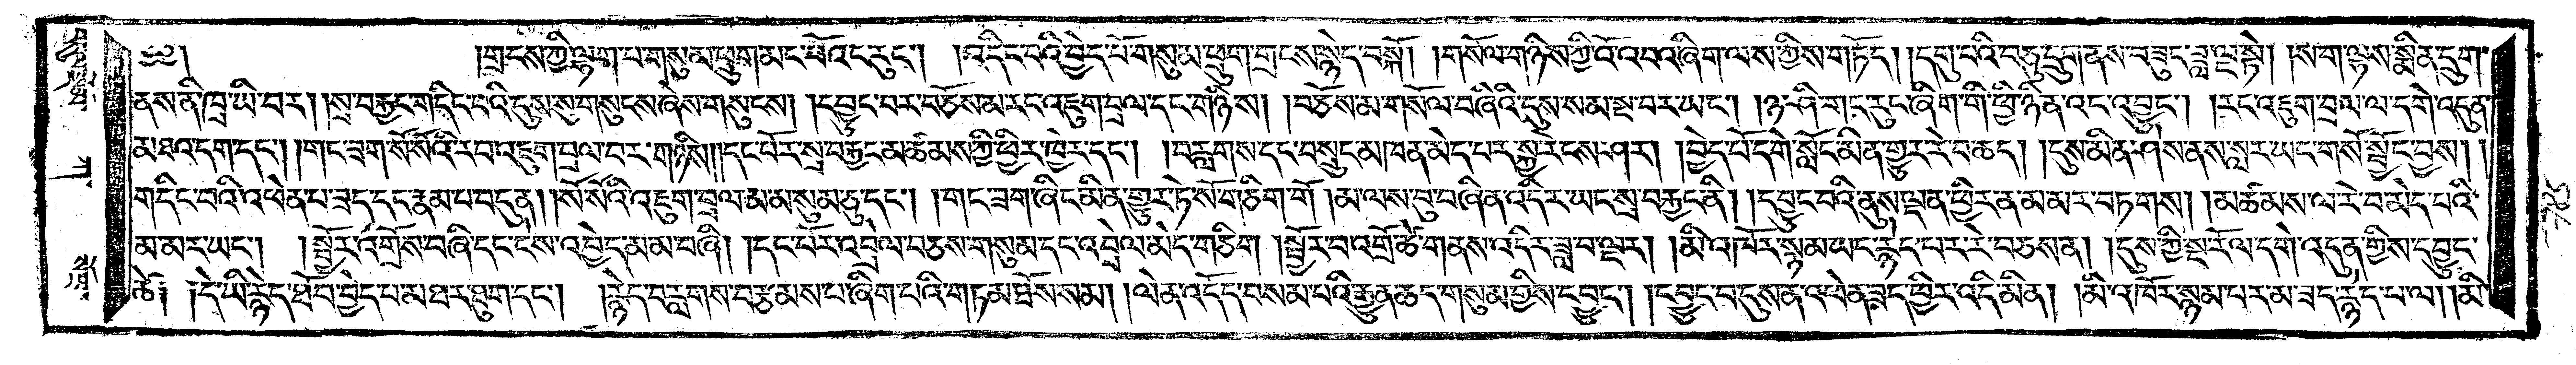༄༅། །གྲངས་ཀྱི་ལྷག་པ་གསུམ་ཕྲུག་མང་པོའང་རུང་། །འདིང་བའི་བྱེད་པོ་གསུམ་ཕྲུག་གྲངས་སྙེད་བསྐོ། །གསོལ་གཉིས་ཀྱིའོ་འབའ་ཞིག་ལས་ཀྱིས་གཏོད། །དགུ་བའི་བཅུ་དྲུག་ནས་བཟུང་ཟླ་ལྔ་སྟེ། །ས་ག་ལྷས་སྨིན་དྲུག་
ནས་ནི་ཁྲ་ཡི་བར། །སྲ་བརྐྱང་གདིང་བའི་དུས་སུ་གསུངས་ཞེས་གསུངས། །དབྱུང་བར་བཅོས་མ་རང་འཇུག་བྲལ་དང་གཉིས། །བཅོས་མ་གསོལ་བཞིའི་དུས་སམ་སྔ་བར་ཡང་། །ཉ་ཤི་གང་རུང་ཞིག་གི་ཕྱི་ཉིན་འང་འབྱུང་། །རང་འཇུག་བྲལ་ལ་དགེ་འདུན་
མཐའ་དག་དང་། །གང་ཟག་སོ་སོའི་རབ་འཇུག་བྲལ་བར་གཉིས། །དང་པོར་སྲ་བརྐྱང་མཚམས་ཀྱི་ཕྱིར་ཁྱར་དང་། །བརླགས་དང་བསྲུང་མཁན་མེད་པར་སྐྱ་རེངས་ཤར། །བྱེད་པོ་དགེ་སློང་མིན་གྱུར་རེ་བ་ཆད། །དུས་མིན་ཤེས་ནས་སླར་ཡང་གསོ་སྦྱོད་བྱས། །
གདིང་བའི་འཕེན་པ་ཟད་དང་རྣམ་པ་བདུན། །སོ་སོའི་འཇུག་བྲལ་མ་མ་སུམ་ཅུ་དང་། །གང་ཟག་ཞིང་མིན་གྱུར་ཏེ་སོ་གཅིག་གོ །མ་ལས་བུ་བཞིན་འདིར་ཡང་སྲ་བརྐྱང་ནི། །དབྱུང་བའི་ནུས་ལྡན་ཕྱིར་ནམ་མར་བཏགས། །མཚམས་ལ་རེ་བ་མེད་པའི་
མ་མར་ཡང་། །སྦྱོར་འགྲོས་བཞི་དང་ངེས་འབྱེད་མ་མ་བཞི། །དང་པོར་འབྲེལ་བཅས་གསུམ་དང་འབྲེལ་མེད་གཅིག །སྦྱོར་བ་འགྲོ་ཚེ་གནས་འདིར་ཟླ་བ་ལྔར། །མི་འཁོར་སྙམ་ཡང་རྙེད་པར་རེ་བཅས་ན། །དུས་ཀྱི་སྔ་རོལ་དགེ་འདུན་གྱིས་དབྱུང་
ཚི༑ ༑དེ་ཡི་རྙེད་ཐོབ་བྱེད་པ་མཐར་ཐུག་དང་། །རྙེད་བརླགས་བརྩམས་པ་ཞིག་པའི་གཏམ་ཐོས་སམ། །ལེན་འདོད་བསམ་པའི་རྒྱུན་ཆད་གསུམ་གྱིས་དབྱུང་། །དབྱུང་བ་དུས་ན་འཕེན་ཟད་ཕྱིར་འདི་མིན། །མི་འཁོར་སྙམ་པར་མ་ཟད་རྙེད་པ་ལ། །མི་